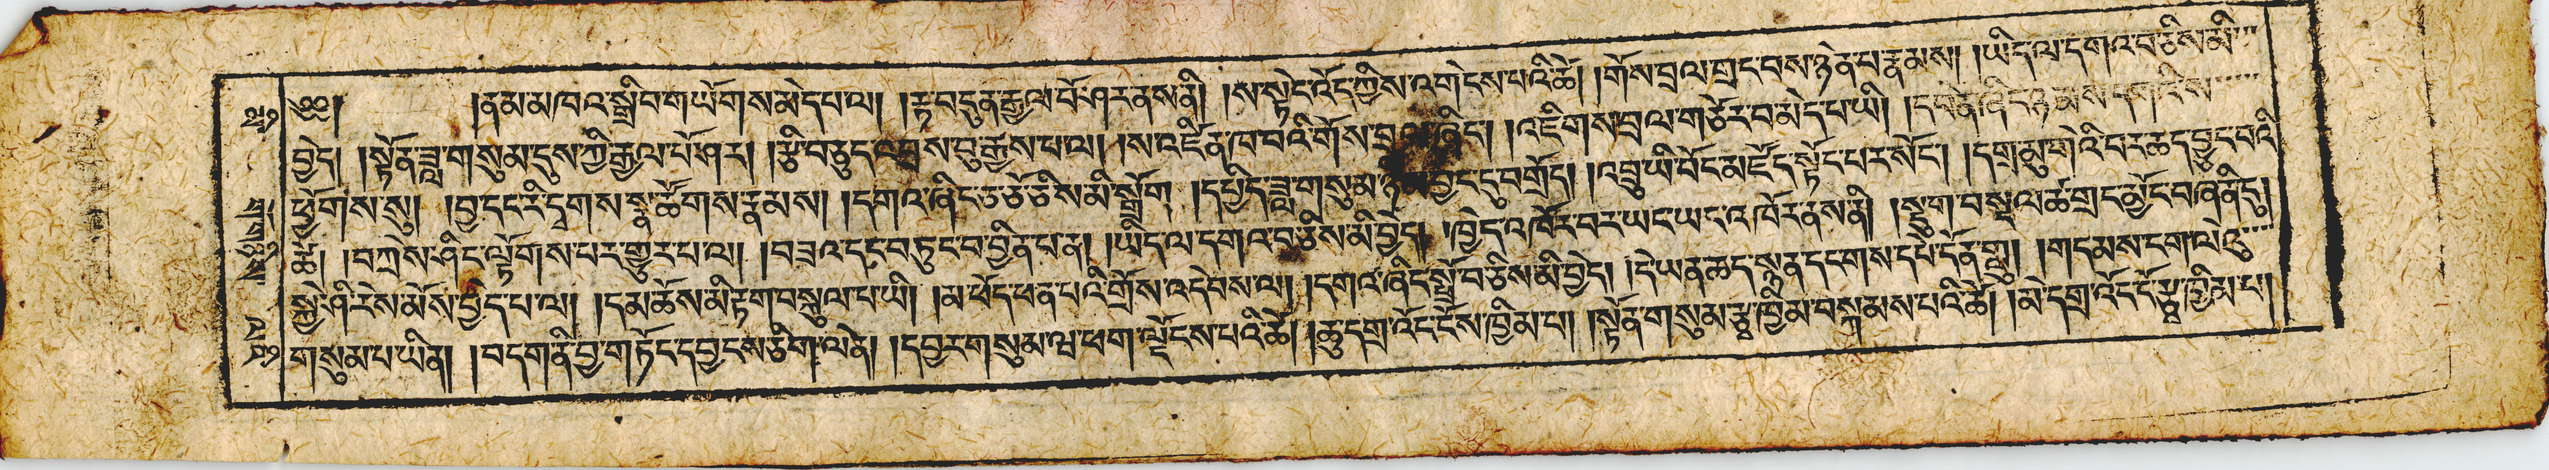ནམ་མཁའ་སྒྲིབ་གཡོགས་མེད་པ་ལ། །རྟ་བདུན་རྒྱལ་བོ་ཤར་ནས་ནི། །ས་སྟེང་འོད་ཀྱིས་འགྲེངས་པའི་ཚེ། །གོས་བྲལ་བྲང་བས་ཉེན་པ་རྣམས། །ཡིད་ལ་དགའ་བ་ཅིས་མི་
བྱེད། །སྟོན་ཟླ་གསུམ་དུས་ཀྱི་རྒྱལ་པོ་ཤར། །རྩ་བཅུད་འབྲས་བུ་རྒྱས་པ་ལ། ས་འཛིན་ཁ་བའི་གོས་བྲལ་ཞིང་། །འཇིགས་བྲལ་གཙེར་བ་མེད་པ་ཡི། །དབེན་ཞིང་ཉམས་དགའི་ས་
ཕྱོགས་སུ། །བྱ་དང་རི་དྭགས་སྣ་ཚོགས་རྩམས། །དགའ་ཞིང་ཅ་ཅོ་ཅིས་མི་སྒྲོག །དཔྱིད་ཟླ་གསུམ་ཉི་མ་བྱང་དུ་བགྲོད། །འབྲུ་ཡི་བང་མཛོད་སྟོང་པར་སོང་། །དགྲ་མུ་གེའི་བར་ཆད་བྱུང་བའི་
ཚེ། །བཀྲེས་ཤིང་ལྟོགས་པར་གྱུར་པ་ལ། །བཟའ་དང་བཏུང་བ་བྱིན་པ་ན། །ཡིད་ལ་དགའ་བ་ཅིས་མི་བྱེད། ཁྱེད་འཁོར་བར་ཡང་ཡང་འཁོར་ནས་ནི། །སྡུག་བསྔལ་ཚ་གྲང་མྱོང་བཞིན་དུ། །
སྐྱེ་ཤི་རེས་མོས་བྱེད་པ་ལ། །དམ་ཆོས་མི་རྟག་བསྐུལ་པ་ཡི། །མ་ཕོད་ཕན་པའི་གྲོས་འདེབས་ལ། །དགའ་ཞིང་སྤྲོ་བ་ཅིས་མི་བྱེད། །དེ་ཡན་ཆད་སྙན་དངགས་དཔེ་དོན་གླུ། །གདམས་ངག་ལེའུ་
གསུམ་པ་ཡིན། །བདག་ནི་བྱ་གཏོང་དབྱངས་ཅིག་ལེན། །དབྱར་གསུམ་ཝ་ཕག་ལྡོངས་པའི་ཚེ། །ཆུ་དགྲ་འོང་ངོ་ས་ཁྱིམ་པ། །སྟོན་གསུམ་ལྷ་ཁྱིམ་བསྐམས་པའི་ཚེ། །མེ་དགྲ་འོང་ངོ་རྩྭ་ཁྱིམ་པ། །